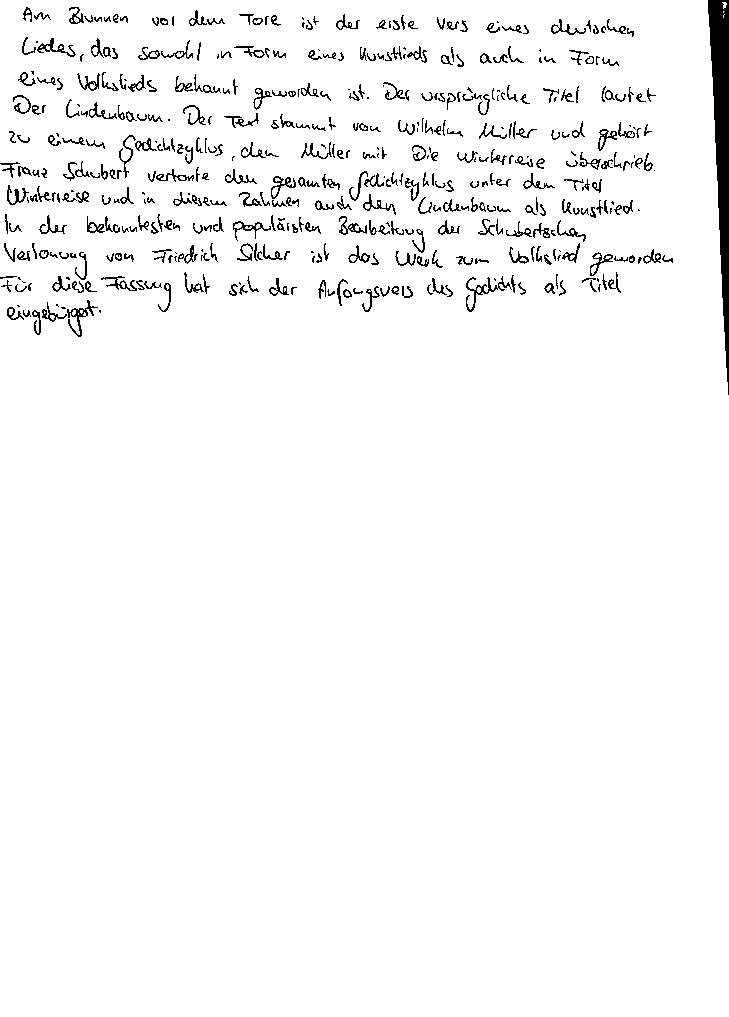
Am Brunnen vor dem Tore ist der erste Vers eines deutschen
Liedes, das sowohl in Form eines Kunstlieds als auch in Form
eines Volkslieds bekannt geworden ist. Der ursprüngliche Titel lautet
Der Lindenbaum. Der Text stammt von Wilhelm Müller und gehört
zu einem Gedichtzyklus, den Müller mit Die Winterreise überschrieb
Franz Schubert vertonte den gesamten Gedichtzyklus unter dem Titel
Winterreise und in diesem Rahmen auch den Lindenbaum als Kunstlied.
In der bekanntesten und populärsten Bearbeitung der Schubertschen
Vertonung von Friedrich Silcher ist das Werk zum Volkslied geworden
Für diese Fassung hat sich der Anfangsvers des Gedichts als Titel
eingebürgert.
